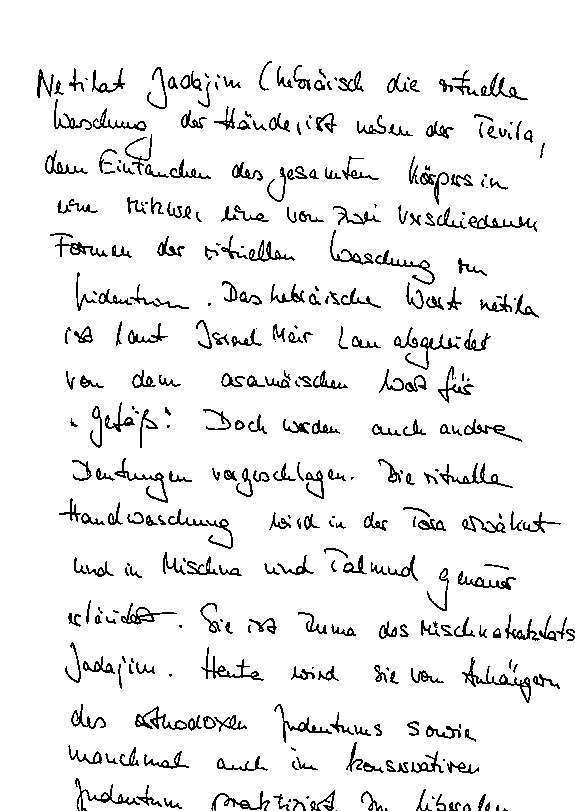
Netilat Jadajim (hebräisch die rituelle
Waschung der Hände, ist neben der Tevila,
dem Eintauchen des gesamten Körpers in
einer Mikwe, eine von zwei verschiedenen
Formen der rituellen Waschung im
Judentum. Das hebräische Wort netila
ist laut Israel Meir Lau abgeleitet
von dem aramäischen Wort für
Gefäß." Doch werden auch andere
Deutungen vorgeschlagen. Die rituelle
Handwaschung wird in der der erwähnt
und in Mischna und Talmud genauer
erläutert. Sie ist Thema des Mischnatraktats
Jadajim. Heute wird sie von Anhängern
des orthodoxen Judentums sowie
manchmal auch im konservativen
Judentum praktiziert. Im liberalen
